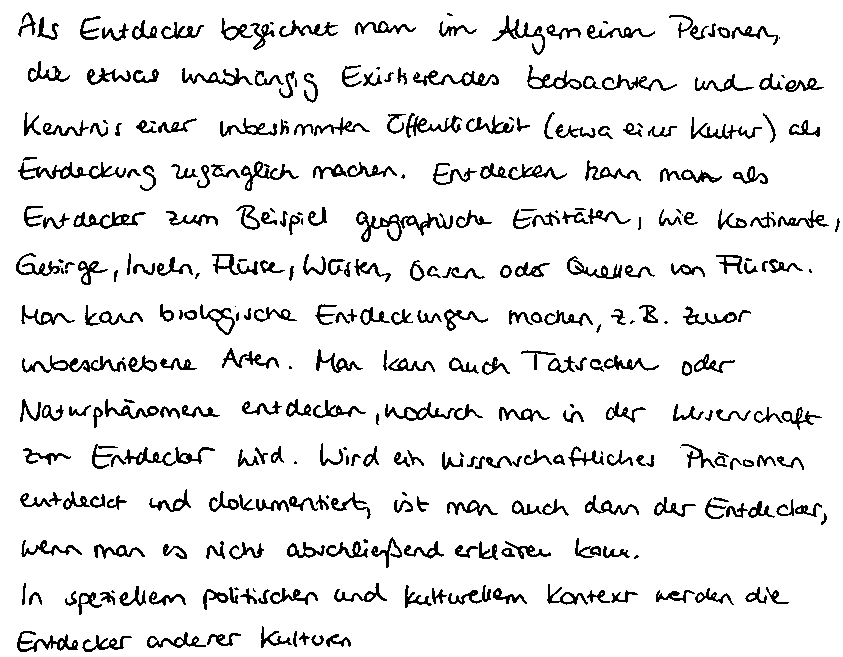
Als Entdecker bezeichnet man im Allgemeinen Personen,
die etwas unabhängig Existierendes beobachten und diese
Kenntnis einer unbestimmten Öffentlichkeit (etwa einer Kultur) als
Entdeckung zugänglich machen. Entdecken kann man als
Entdecker zum Beispiel geographische Entitäten, wie Kontinente,
Gebirge, Inseln, Flüsse, Wüsten, Oasen oder Quellen von Flüssen.
Man kann biologische Entdeckungen machen, z. B. zuvor
unbeschriebene Arten. Man kann auch Tatsachen oder
Naturphänomene entdecken, wodurch man in der Wissenschaft
zum Entdecker wird. Wird ein wissenschaftliches Phänomen
entdeckt und dokumentiert, ist man auch dann der Entdecker,
wenn man es nicht abschließend erklären kann.
In speziellem politischen und kulturellem Kontext werden die
Entdecker anderer Kulturen
